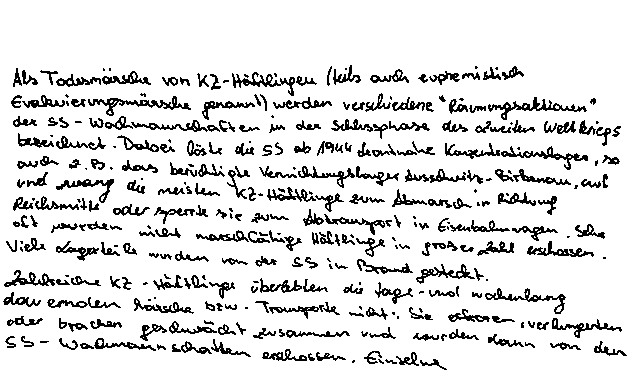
Als Todesmärsche von KZ-Häftlingen (teils auch euphemistisch
Evakuierungsmärsche genannt) werden verschiedene "Räumungsaktionen"
der SS-Wachmannschaften in der Schlussphase des Zweiten Weltkriegs
bezeichnet. Dabei löste die SS ab 1944 frontnahe Konzentrationslager, so
auch z. B. das berüchtigte Vernichtungslager Auschwitz-Birkenau, auf
und zwang die meisten KZ-Häftlinge zum Abmarsch in Richtung
Reichsmitte oder sperrte sie zum Abtransport in Eisenbahnwagen. Sehr
oft wurden nicht marschfähige Häftlinge in großer Zahl erschossen.
Viele Lagerteile wurden von der SS in Brand gesetzt.
Zahlreiche KZ-Häftlinge überlebten die tage- und wochenlang
dauernden Märsche bzw. Transporte nicht: Sie erfroren, verhungerten
oder brachen geschwächt zusammen und wurden dann von den
SS-Wachmannschaften erschossen. Einzelne
